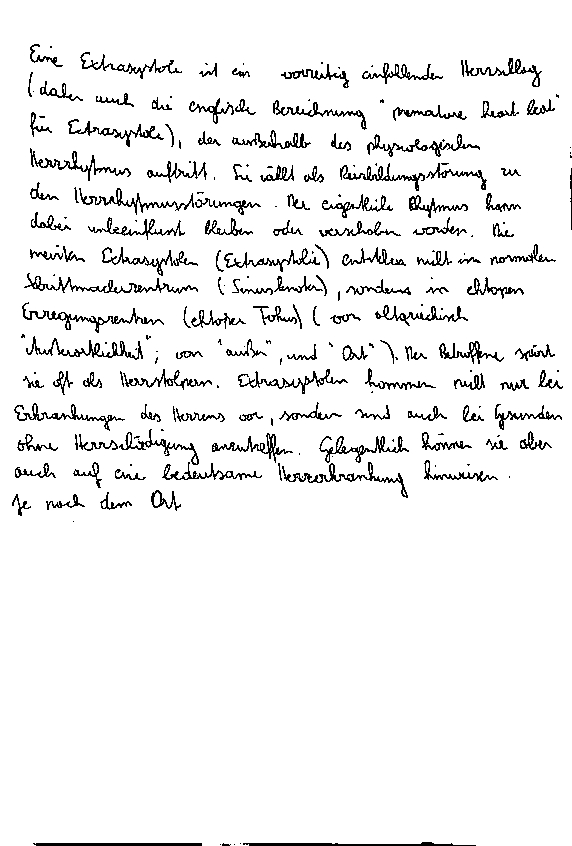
Eine Extrasystole ist ein vorzeitig einfallender Herzschlag
(daher auch die englische Bezeichnung" premature heart beat"
für Extrasystole), der außerhalb des physiologischen
Herzrhythmus auftritt. Sie zählt als Reizbildungsstörung zu
den Herzrhythmusstörungen Der eigentliche Rhythmus kann
dabei unbeeinflusst bleiben oder verschoben werden. Die
meisten Extrasystolen (Extrasystolie) entstehen nicht im normalen
Schrittmacherzentrum (Sinusknoten), sondern in ektopen
Erregungszentren (ektoper Fokus) ( von altgriechisch
"Außerörtlichkeit"; von "außen", und " Ort") Der Betroffene spürt
sie oft als Herzstolpern. Extrasystolen kommen nicht nur bei
Erkrankungen des Herzens vor, sondern sind auch bei Gesunden
ohne Herzschädigung anzutreffen. Gelegentlich können sie aber
auch auf eine bedeutsame Herzerkrankung hinweisen.
Je nach dem Ort
